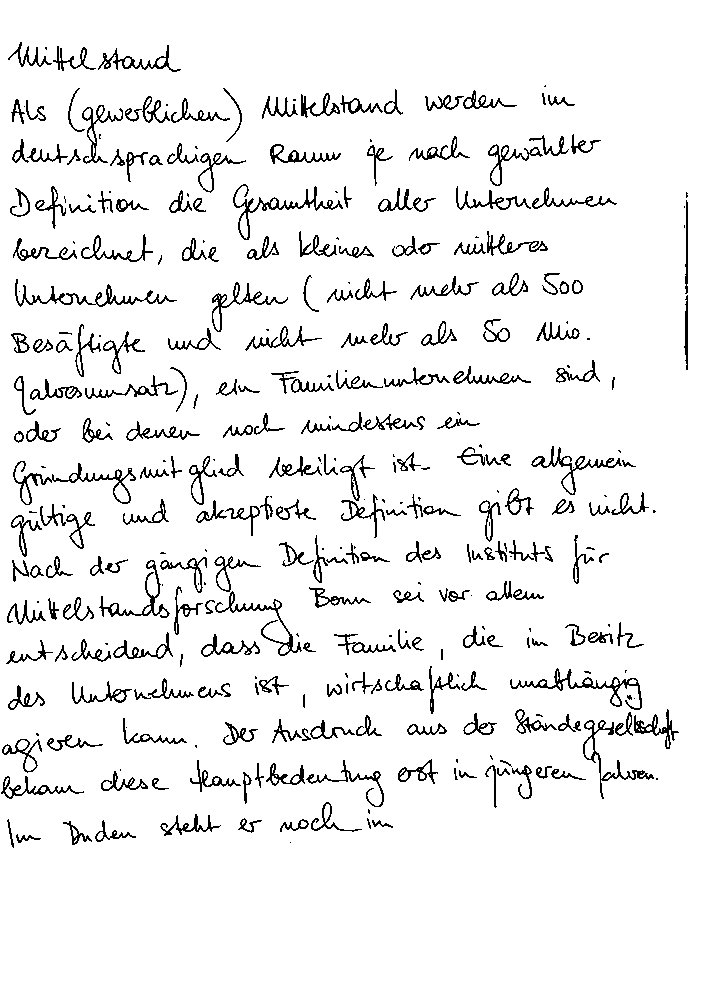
Mittelstand
Als (gewerblichen) Mittelstand werden im
deutschsprachigen Raum je nach gewählter
Definition die Gesamtheit aller Unternehmen
bezeichnet, die als Kleines oder mittleres
Unternehmen gelten (nicht mehr als 500
Beschäftigte und nicht mehr als 50 Mio.
Jahresumsatz), ein Familienunternehmen sind,
oder bei denen noch mindestens ein
Gründungsmitglied beteiligt ist. Eine allgemein
gültige und akzeptierte Definition gibt es nicht.
Nach der gängigen Definition des Instituts für
Mittelstandsforschung Bonn sei vor allem
entscheidend, dass die Familie, die im Besitz
des Unternehmens ist, wirtschaftlich unabhängig
agieren kann. Der Ausdruck aus der Ständegesellschaft
bekam diese Hauptbedeutung erst in jüngeren Jahren.
Im Duden steht er noch im
